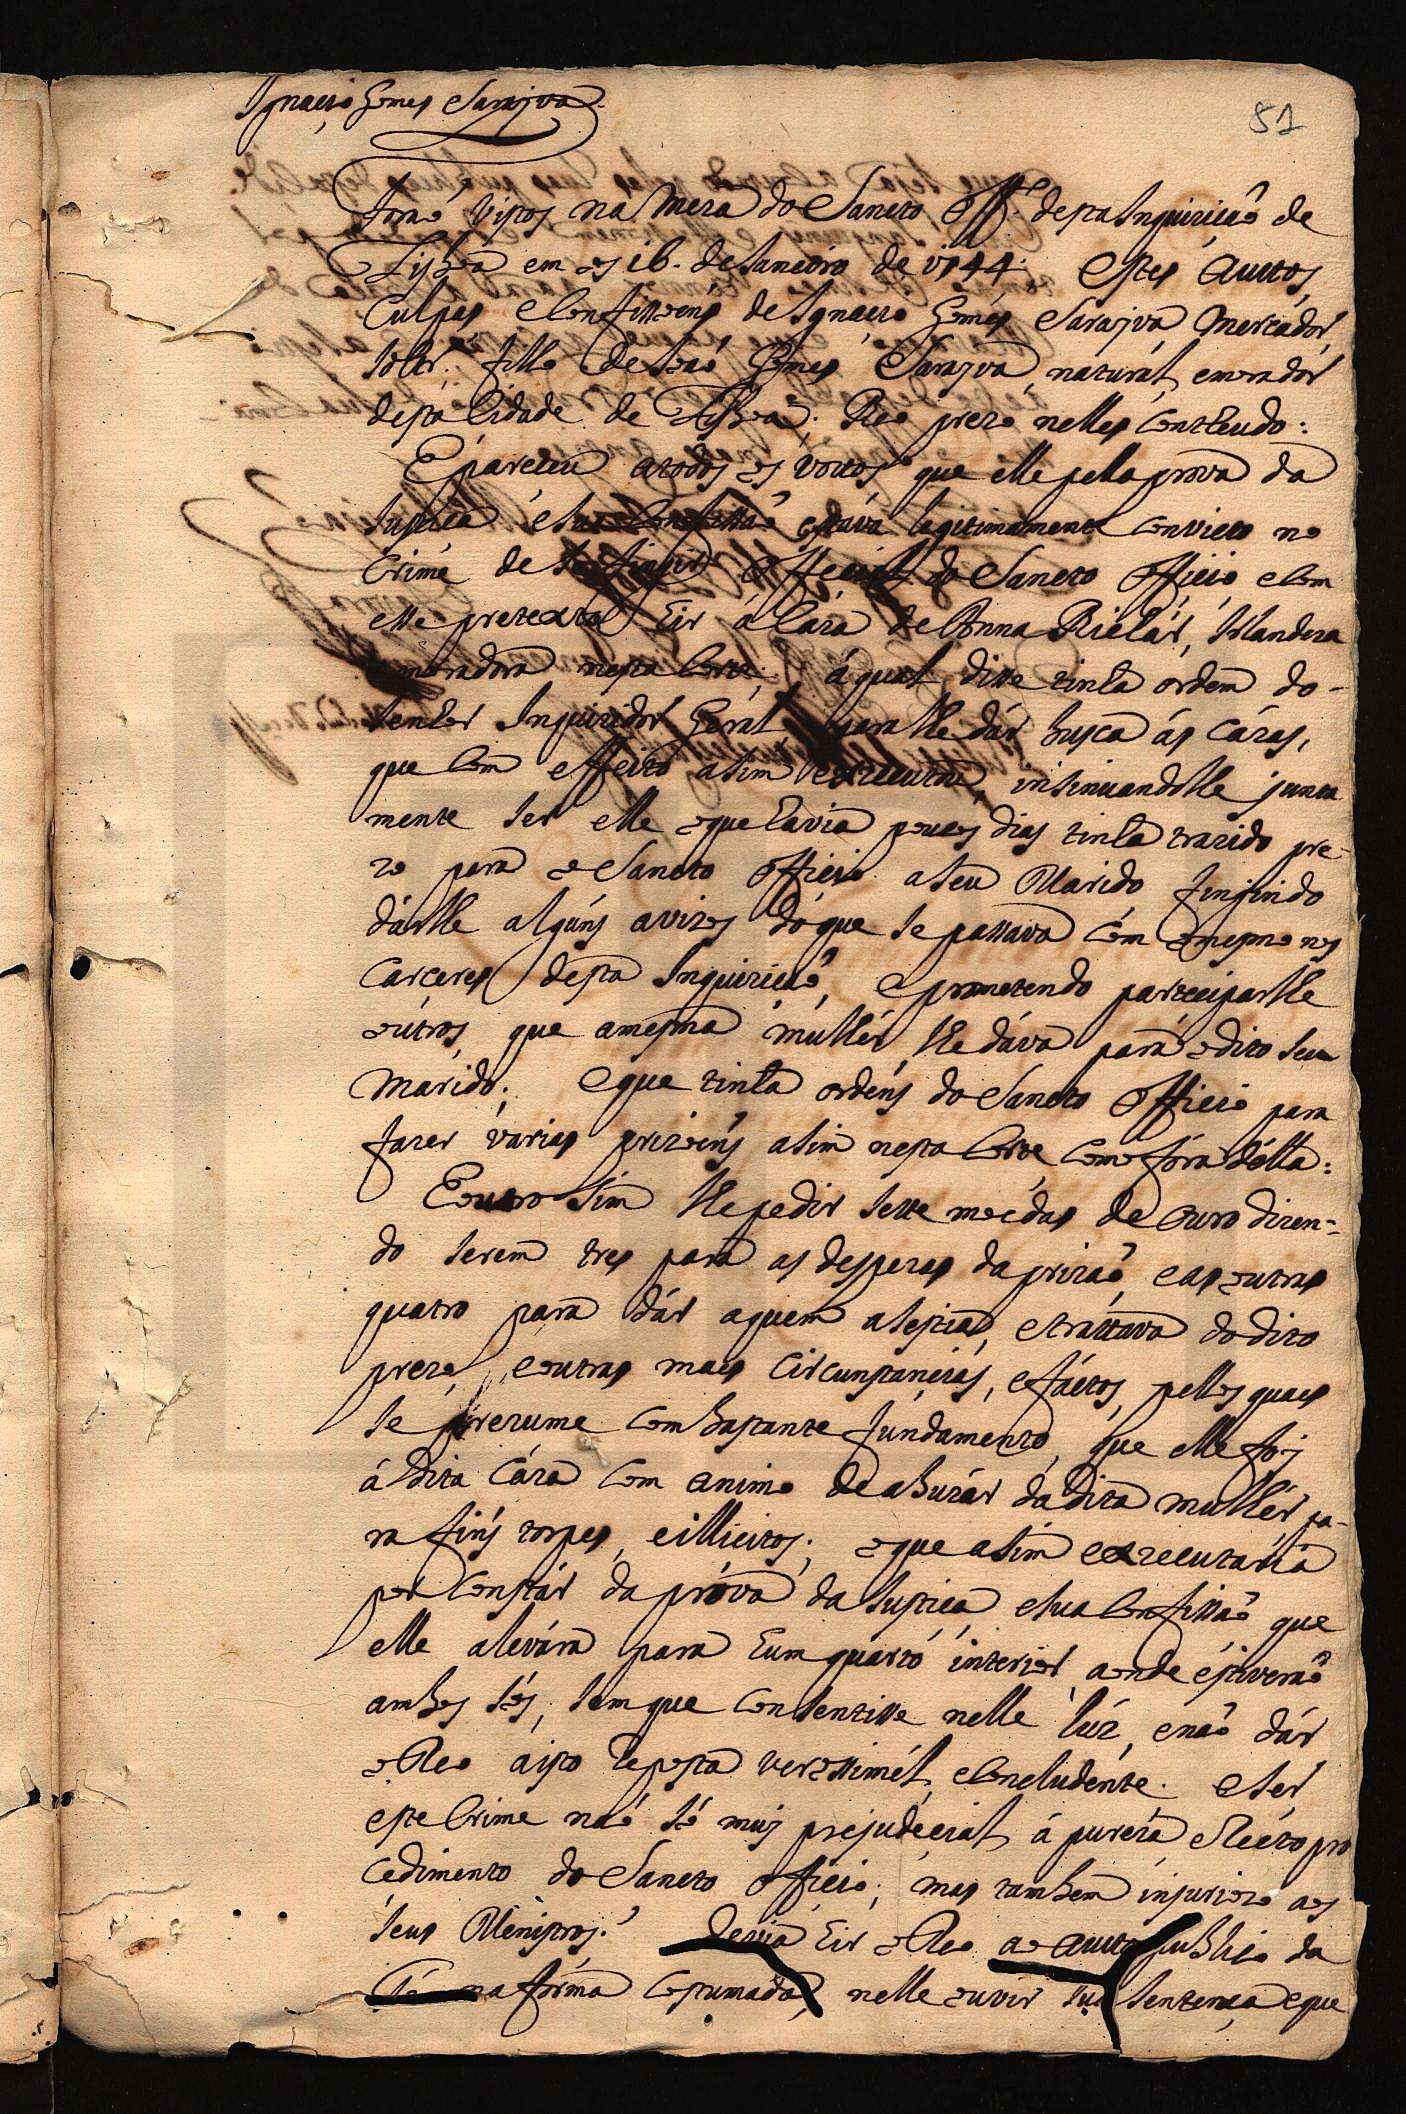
Ignacio Gomes Sarajva.
Foraõ vistos na meza do Sancto Off.o desta Inquiziçaõ de
Lisboa em os 16. de Ianeiro de 1744, estes auttos,
Culpas, e Confissoen̄s de Ignacio Gomes Sarajva, mercador,
soltr.o filho de Ioaõ Gomes Sarajva, natural, e morador
desta Cidade de Lisboa; Reo prezo nelles contheudo:
E pareceu a todos os vottos que elle pella prova da
Iustiça e sua Confissaõ estava legitimamente convicto no
crime de se fingir Offecial do Sancto Officio, e com
esse pretexto hir a Caza de Anna Richar, Irlandeza
moradora nesta Corte, á qual disse tinha ordem do
Senhor Inquizidor Geral, para lhe dar busca ás cazas,
que com effeito asim exzecutou, insinuandolhe junta
mente ser elle o que havia poucos dias tinha trazido pre
zo para o Sancto officio a seu Marido, fingindo
darlhe alguns avizos do que se passava com o mesmo nos
Carceres desta Inquiziçaõ, e prometendo parteciparlhe
outros, que a mesma mulher lhe dava para o dito seu
marido; e que tinha orden̄s do Sancto Officio para
fazer varias prizoen̄s asim nesta Corte Como fora della:
E outrosim lhe pedir sette moedas de ouro dizen
do serem tres para as despezas da prizaõ, e as outras
quatro para dar a quem asestia, e trattava do dito
prezo, e outras maes circunstancias, e factos, pellos quaes
se prezume com bastante fundamento, que elle foj
á dita Caza Com animo de abuzar da dita mulher, pa
ra fin̄s torpes, e illicitos; e que asim exzecutaria
por Constar da prova da Iustiça, e sua Confissaõ que
elle a levara para hum quarto interior, aonde estiveraõ
ambos sós, sem que consentisse nelle luz̄, e naõ dar
o Reo a isto Reposta verossimeL, e Concludente; e ser
este Crime naõ só muj prejudecial á pureza, e Recto pro
cedimento do Sancto Officio; mas tambem injuriozo aos
seus Menistros. devia hir o Reo ao autto publico da
Fé na forma costumada, nelle ouvir sua sentença, e que
